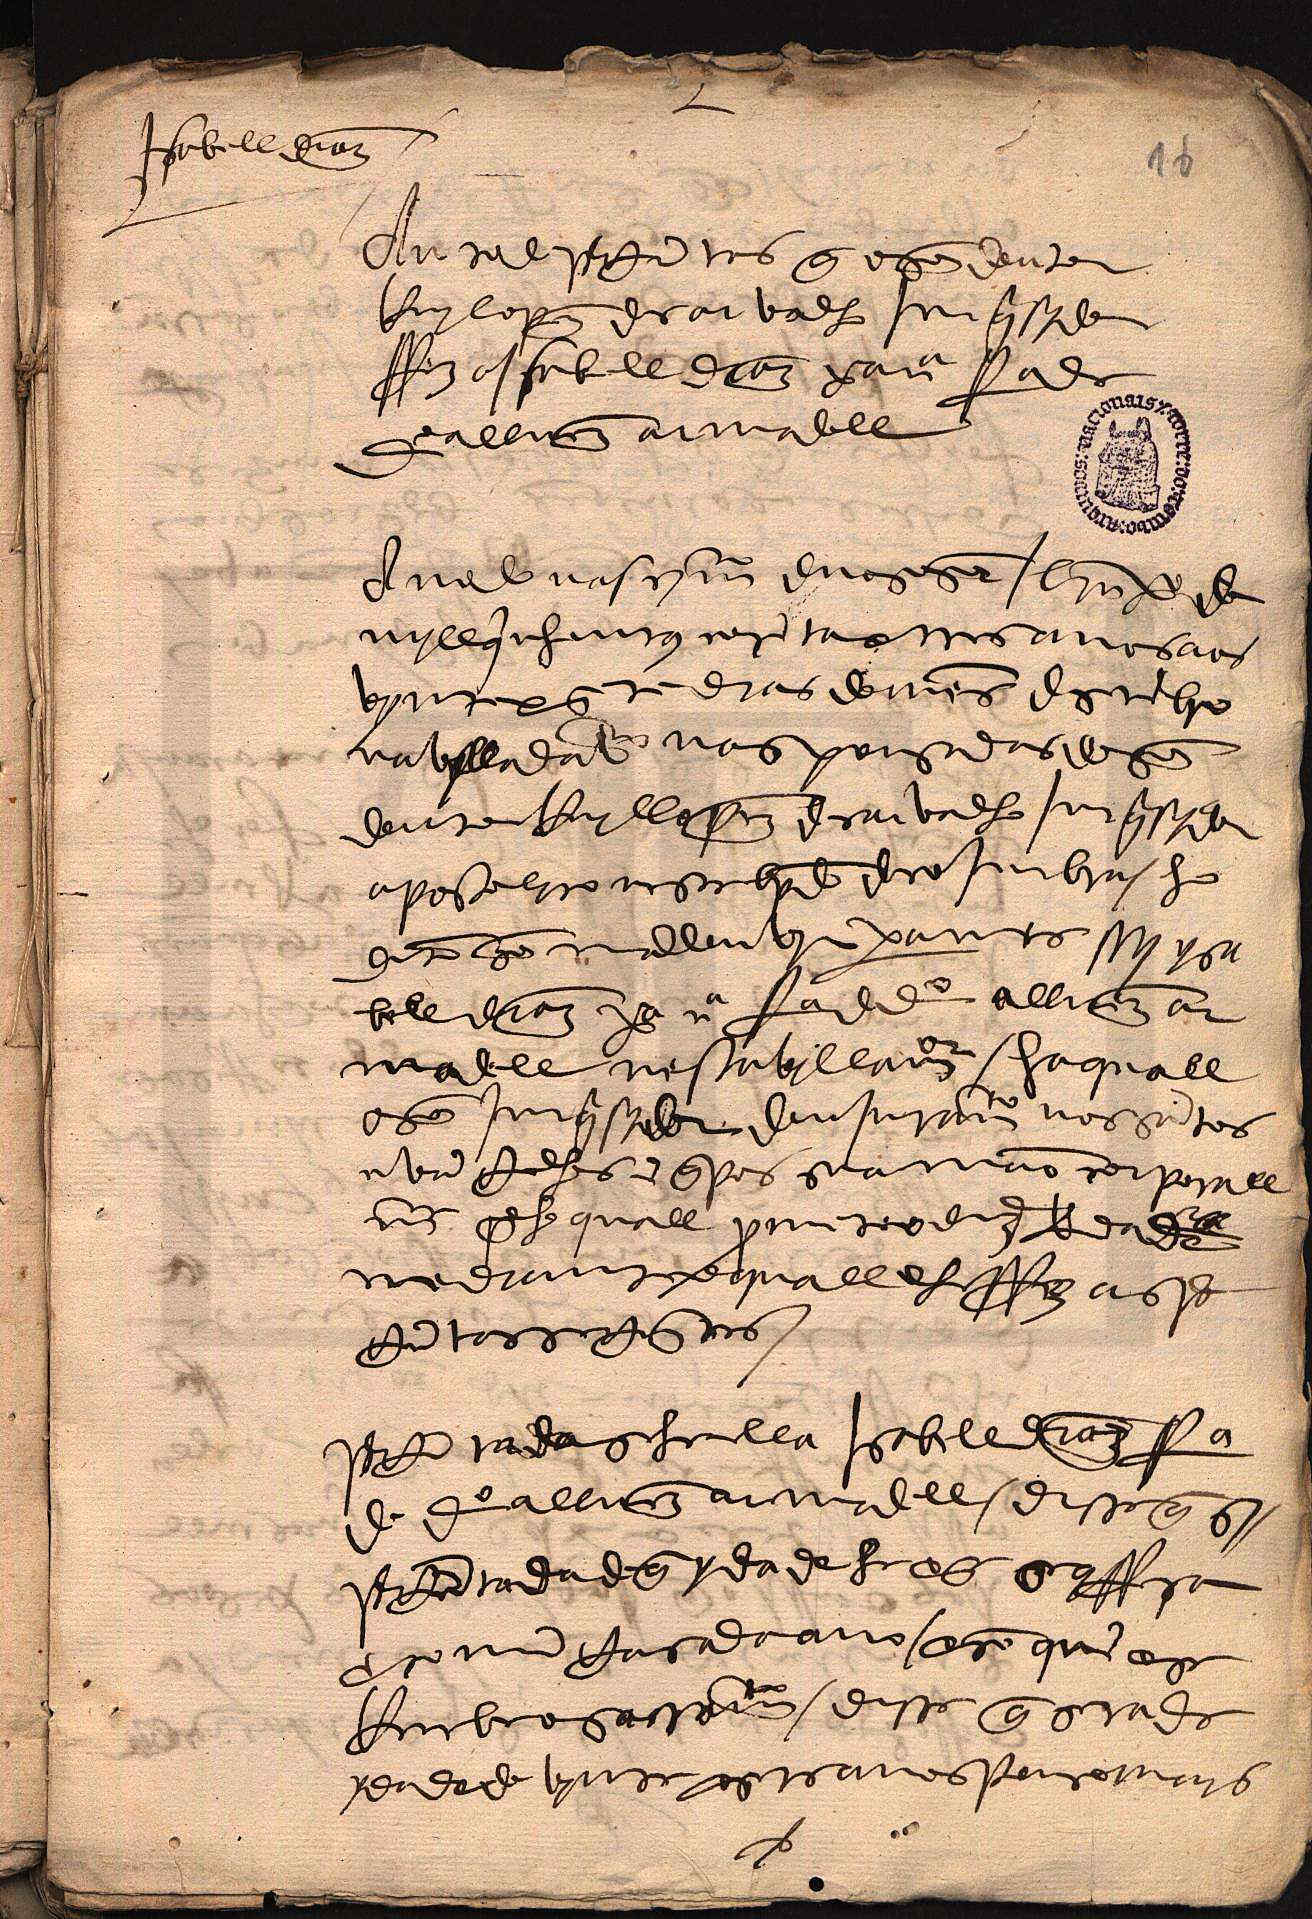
Jsabell diaz
Auto de p̄gūtas q̄ o s̄or doutor
Ruj lopez de carvalho Jmqisydor
ffez a Jsabell diaz xa na fa de
do alluēz armadell
Ano do nascjmto de noso s̄or Jhū xo de
mjll qinhentꝯ corēta e tres anos aos
vynte e sete dias do mēs de setēbro
na vylla davro nas pousadas do s̄or
doutor Ruj llopez de carvalho Jmqisydor
apostolico neste bp̄ado de coJmbra / ho
dito s̄or mādou vjr ꝑante ssy ysa
bell diaz xa na fa de do alluēz ar
madell nesta vjlla mor / ha quall
o s̄or Jmqisydor deu Juramto nos sātos
evāgelhos ē q̄ pos sua mão corporall
mte p̄o ho quall ꝓmeteo diz̄ ꝟdade
mediante o quall lhe ffez as p̄
gūtas seguītes /
p̄gūtada se he ella Jsabell diaz fa
de do alluēz armadell / disse q̄ sj /
p̄gūtada de q̄ ydade he e se se ꝯffesa
e comūga cada ano / e c̄o quē e se
Recebe o sacramto / disse q̄ sera de
ydade de vynte e seis anos pouco mais
